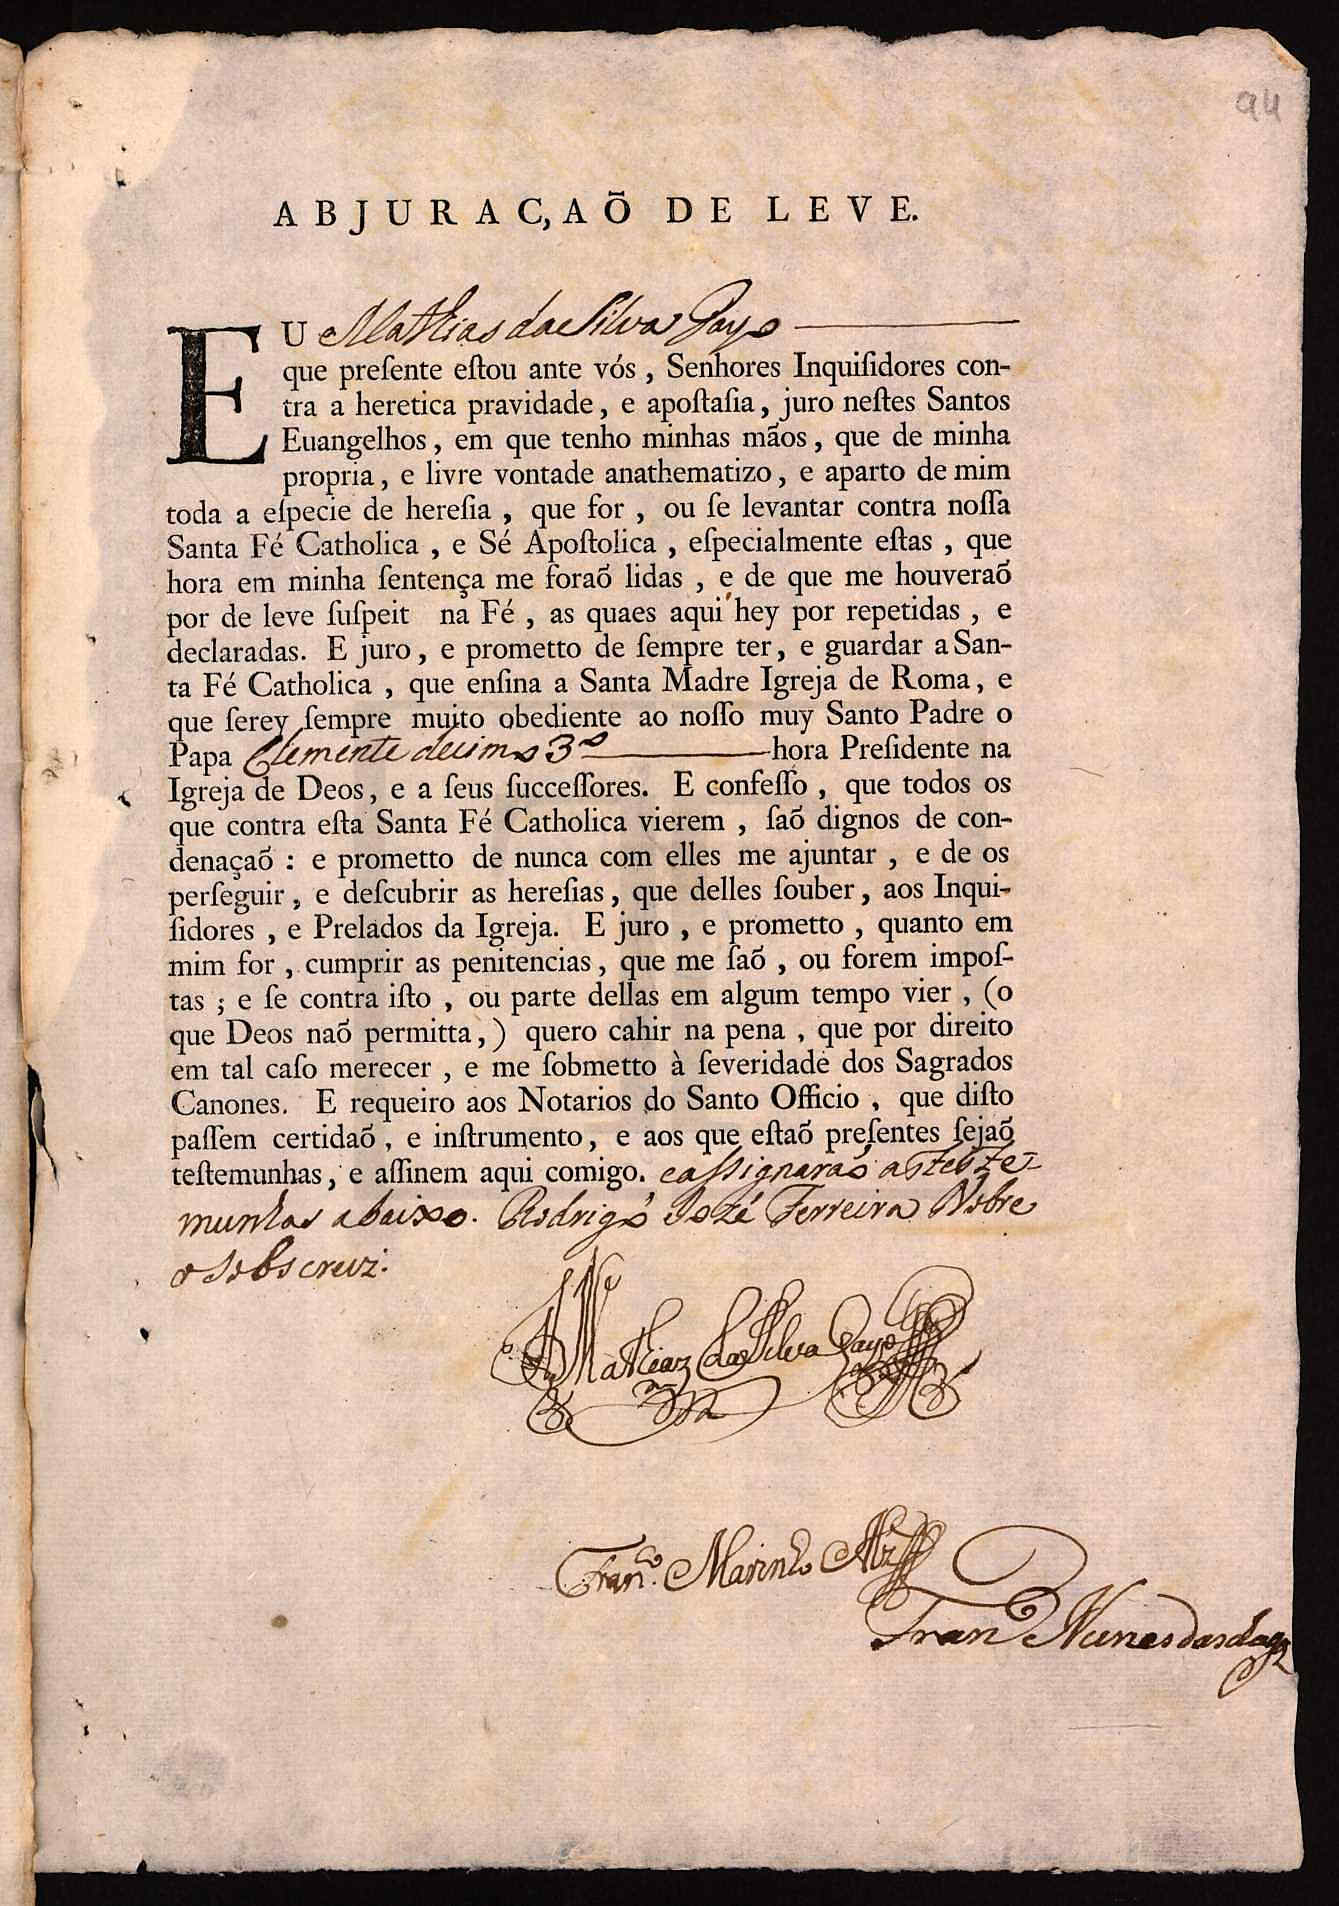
ABJURAÇAÕ DE LEVE.
U Mathias da Silva Gayo
que presente estou ante vós, Senhores Inquisidores con
tra a heretica pravidade, e apostasia, juro nestes Santos
Euangelhos, em que tenho minhas mãos, que de minha
propria, e livre vontade anathematizo, e aparto de mim
toda a especie de heresia, que for, ou se levantar contra nossa
Santa Fé Catholica, e Sé Apostolica, especialmente estas, que
hora em minha sentença me foraõ lidas, e de que me houveraõ
por de leve suspeit na Fé, as quaes aqui hey por repetidas, e
declaradas. E juro, e prometto de sempre ter, e guardar a San
ta Fé Catholica, que ensina a Santa Madre Igreja de Roma, e
que serey sempre muito obediente ao nosso muy Santo Padre o
Papa Clemente decimo 3o
hora Presidente na
Igreja de Deos, e a seus successores. E confesso, que todos os
que contra esta Santa Fé Catholica vierem, saõ dignos de con
denaçaõ: e prometto de nunca com elles me ajuntar, e de os
perseguir, e descubrir as heresias, que delles souber, aos Inqui
sidores, e Prelados da Igreja. E juro, e prometto, quanto em
mim for, cumprir as penitencias, que me saõ, ou forem impos
tas; e se contra isto, ou parte dellas em algum tempo vier, (o
que Deos naõ permitta,) quero cahir na pena, que por direito
em tal caso merecer, e me sobmetto à severidade dos Sagrados
Canones. E requeiro aos Notarios do Santo Officio, que disto
passem certidaõ, e instrumento, e aos que estaõ presentes sejaõ
testemunhas, e assinem aqui comigo. e assignaraõ as teste
munhas abaixo. Rodrigo Iozé Ferreira Nobre
o sobscrevi.
Mathiaz da Silva Gayo
Fran.co Marinho Alz̄
Franco Nunes das chagas
